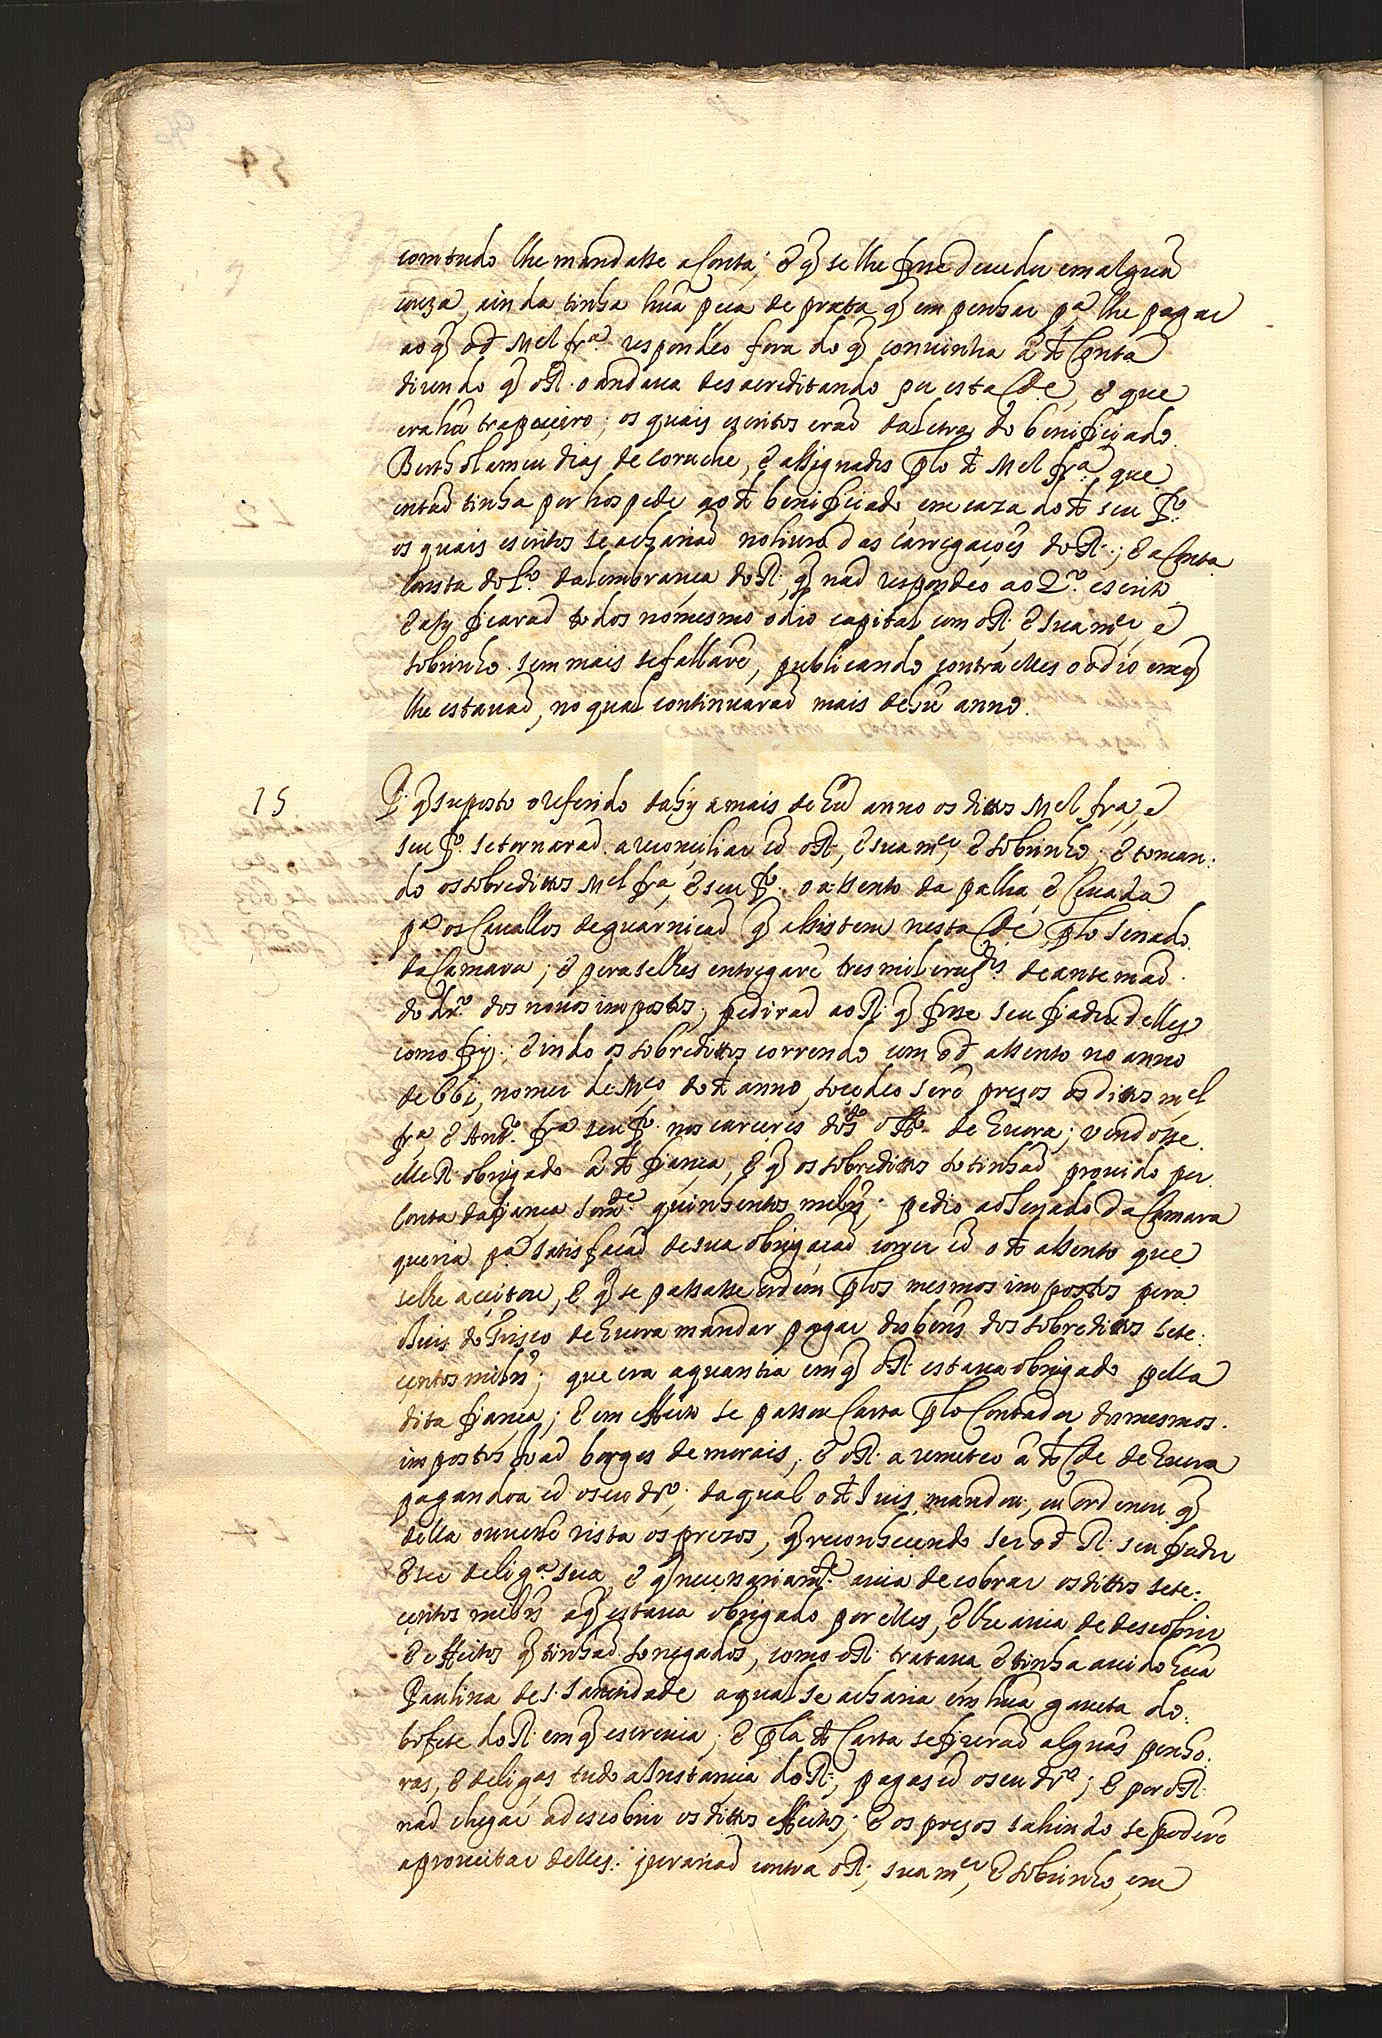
comtudo lhe mandasse a Conta; e q̄ se lhe fosse deuedor em alguā
couza, ainda tinha huā peça de prata q̄ empenhar pa lhe pagar
ao q̄ o d̄ Mel fra. respondeo fora do q̄ conuinha â d̄ Conta
dizendo q̄ o R. o andaua desacreditando por esta Cde., e que
era hū trapaçeiro; os quais escritos erão da Letra do benificiado
Bertholameu dias de coruche, e assignado p̄lo d̄ Mel fra. que
então tinha por hospede ao d̄ benificiado, em caza do d̄ seu fo.
os quais escritos se acharião no liuro das carregaçoẽs do R.; e a Conta
consta do L.o da lembrança do R., q̄ não respondeo ao 2.o escrito
e asy ficaraõ todos no mesmo odio capital com o R., e sua mer, e
sobrinho sem mais se fallarē, publicando contra elles o odio em q̄
lhe estauão, no qual continuarão mais de hū anno.
P. q̄ suposto o referido dahy a mais de hū anno os dittos Mel fra, e
seu fo se tornarão a reconçiliar cō o R., e sua mer e sobrinho, e toman
do os sobredittos Mel fra, e seu fo o assento da palha, e Ceuada
pa os Cauallos de guarnição q̄ assistem nesta Cde p̄lo Senado
da Camara; e pera se lhes entregarē tres mil cruzdos de antemão
do dr.o dos nouos impostos; pedirão ao R. q̄ fosse seu fiador delles
como foy; e indo os sobredittos correndo com o d̄ assento no anno
de 66i, no mez de Mço do d̄ anno, soçedeo serē presos os dittos mel
fra, e Ant.o fra seu fo nos carçeres do sto offo de Euora; vendosse
elle R. obrigado â d̄ fiança, e q̄ os sobredittos so tinhaõ prouido per
conta da fiança som.te quinhentos mil rs̄; pedio ao Senado da Camara
queria pa satisfaçaõ de sua obrigação correr cō o d̄ assento que
se lhe açeitou, e q̄ se passasse ordem p̄los mesmos impostos pera
o Iuis do Fisco de Euora mandar pagar dos bens̄ dos sobredittos sete
çentos mil rs̄; que era a quantia em q̄ o R. estaua obrigado pella
dita fiança; e em effeito se passou Carta p̄lo Contador dos mesmos
impostos Ioaõ borges de morais, e o R. a remeteo â d̄ Cde de Euora
pagandoa cō o seu dro; da qual o d̄ Iuis mandou, ou ordenou q̄
della ouuessē uista os prezos, q̄ reconhecendo ser o d̄ R. seu fiador
e ser delig.a sua e q̄ necessariamte. auia de cobrar os dittos sete
çentos mil rs̄ a q̄ estaua obrigado por elles, e lhe auia de descobrir
e effeitos q̄ tinhão sonegados, como o R. trataua, e tinha auido huā
Paulina de S. Santidade a qual se acharia em hūa gaueta do
bofete do R. em q̄ escreuia; e p̄la d̄ Carta se fizerão alguās penho
ras, e deligas, tudo a Instançia do R., pagas cō o seu dro; e por o R.
naõ chegar a descobrir os dittos effeitos; e os prezos sahindo se poderē
aproueitar delles: jurariaõ contra o R., sua mer e sobrinho, em
